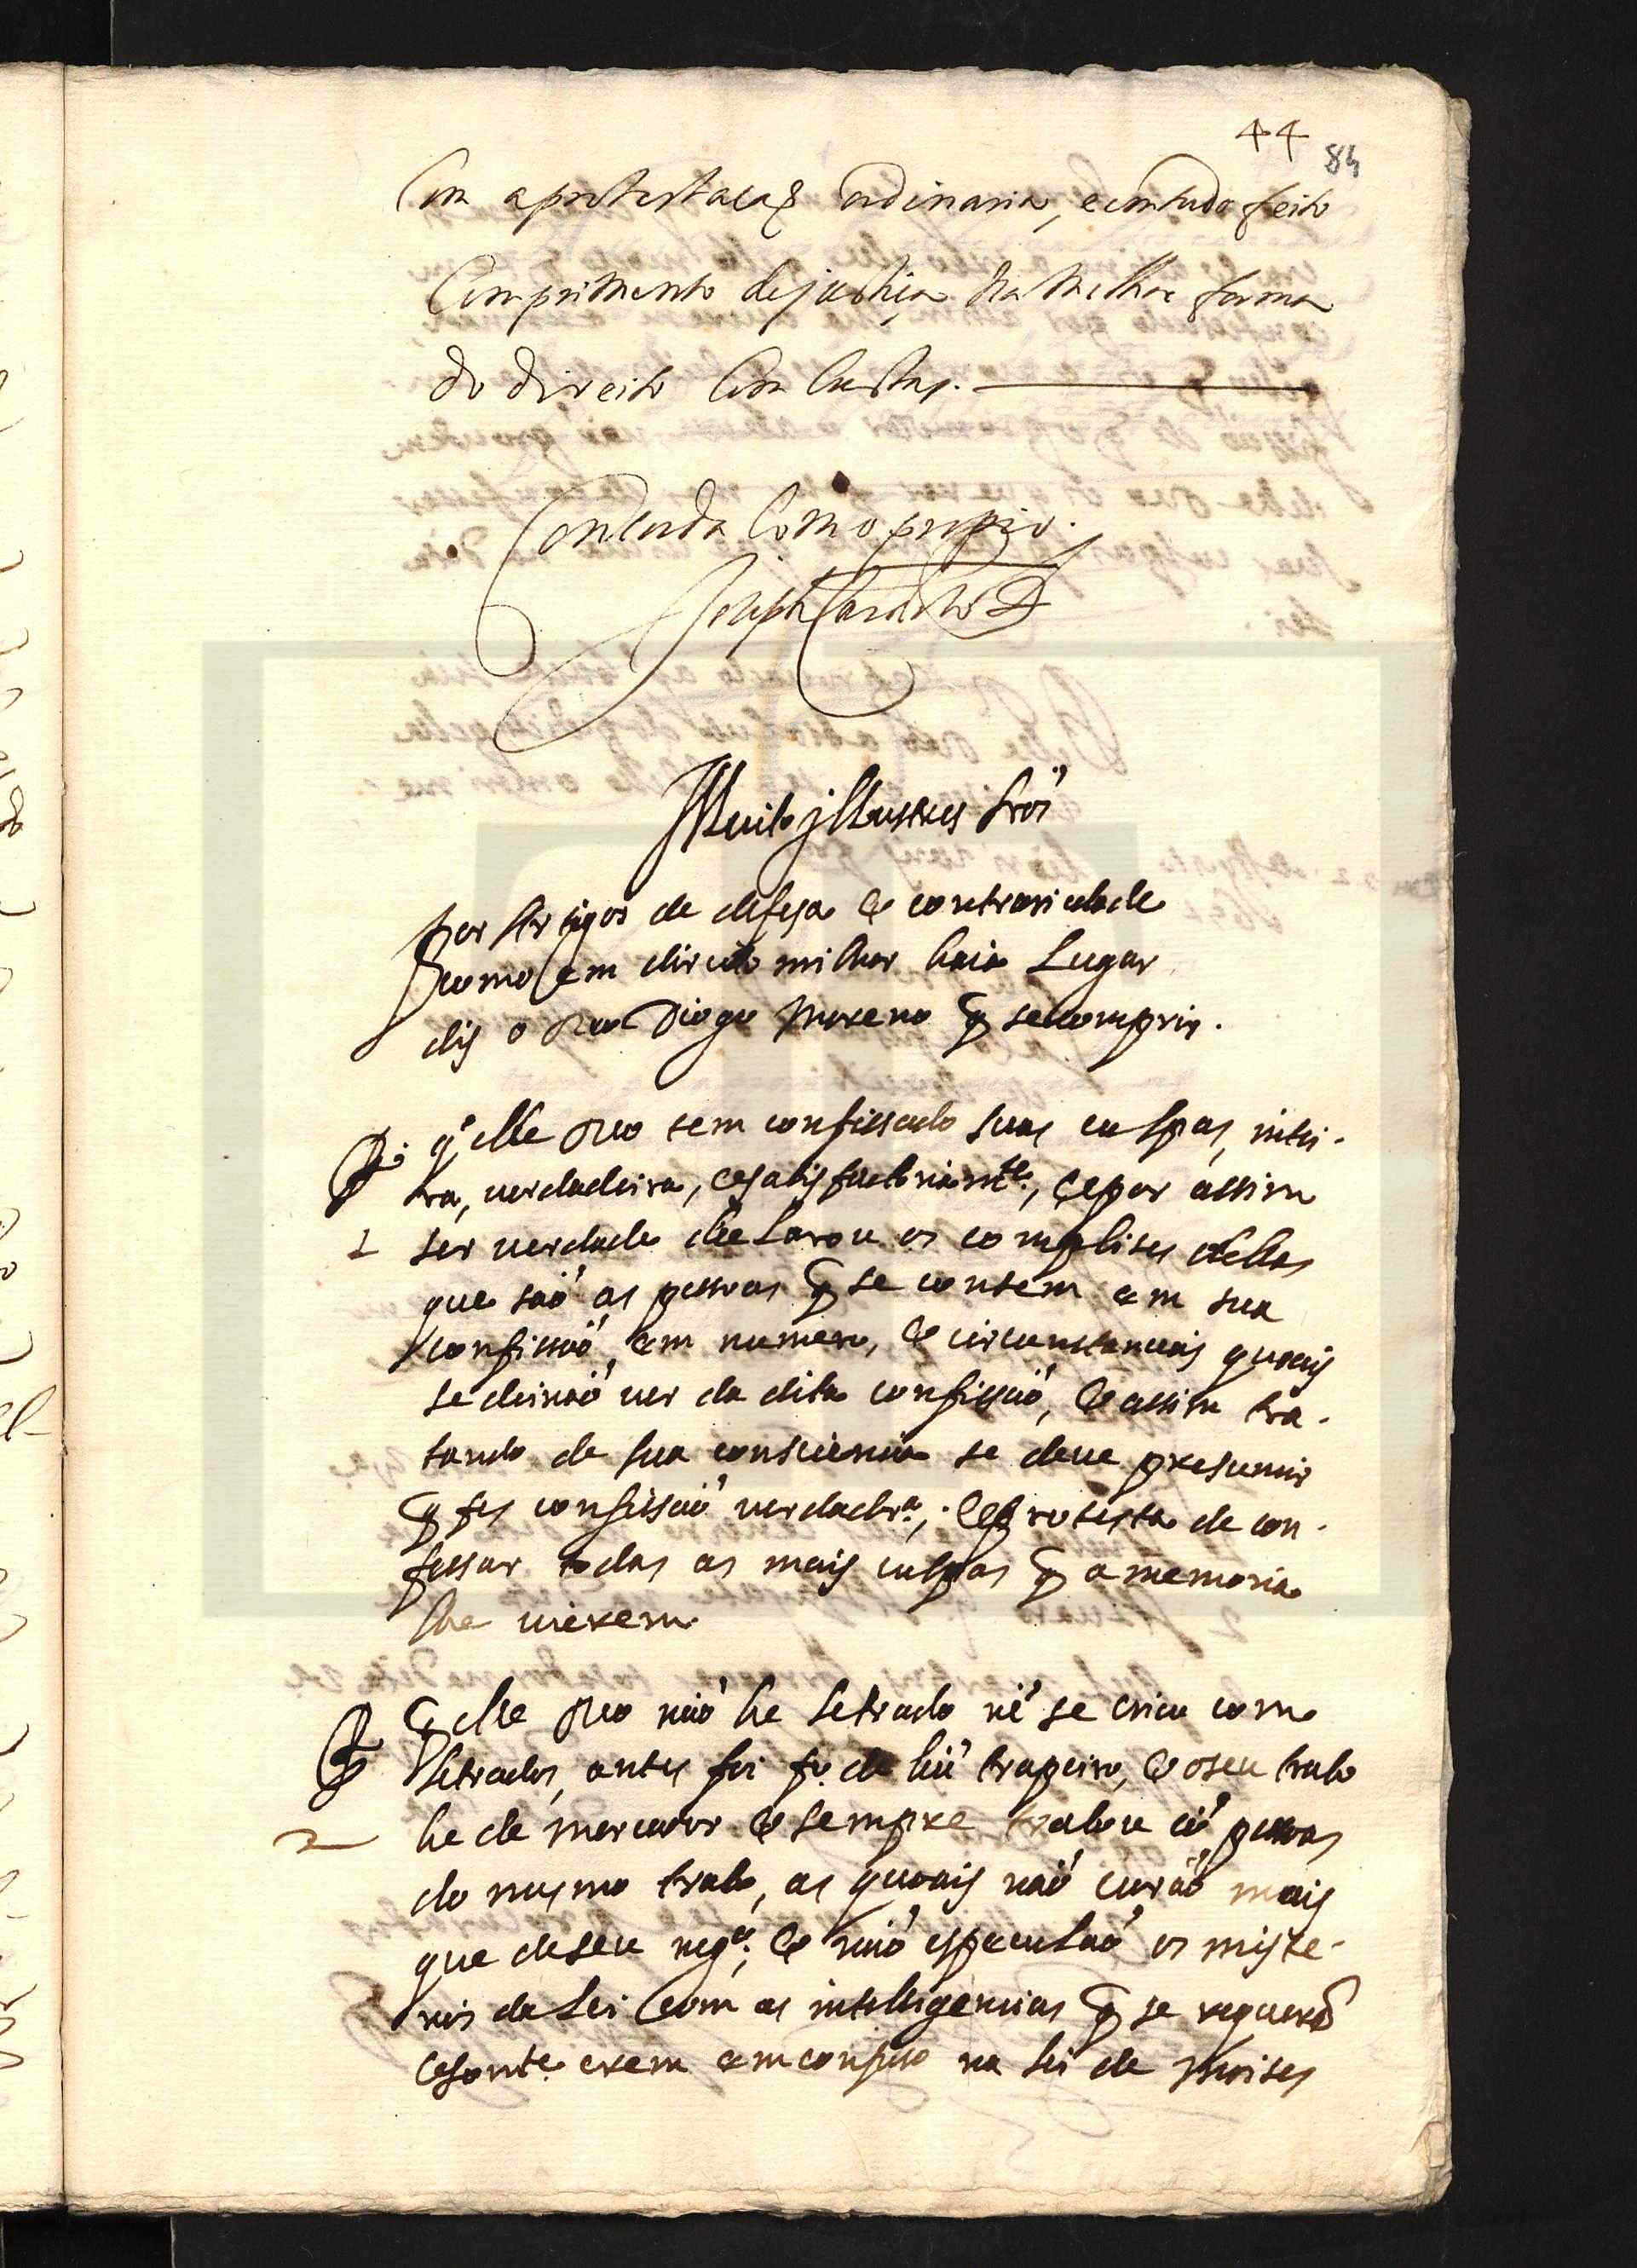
44
Com a protestaçaõ ordinaria, e em tudo feito
Comprimento de justiça na melhor forma
do direito Com Custas.
Concorda com o propio.
Jozeph Cardozo
Muito Jllustres Sres̄
Por Artigos de defesa & contrariedade
como em direito milhor haia Lugar
dis o Reo Diogo Moreno q̄ se comprir.
P. q̄ elle Reo tem confissado suas culpas intei
ra, uerdadeira, & satisfactoriamte, & por assim
ser uerdade declarou os complises dellas
1
que saõ as pessoas q̄ se contem em sua
confissão, em numero, & circunstancias quoais
se deixaõ uer da dita confissaõ, & assim tra
tando de sua consciencia se deue presumir
q̄ fes confissaõ uerdadr.a, & protesta de con
fessar todas as mais culpas q̄ a memoria
lhe uierem.
P q̄ elle Reo naõ he letrado nē se criou com
letrados, antes foi fo. de hū trapeiro, & o seu trato
he elle mercador & sempre tratou cō pessoas
do mesmo trato, as quoais naõ curaõ mais
que de seu negco; & naõ especulaõ os myste
rios da Lei com as intelligencias q̄ se requerē
& somte crem em confesso na lei de Moises
